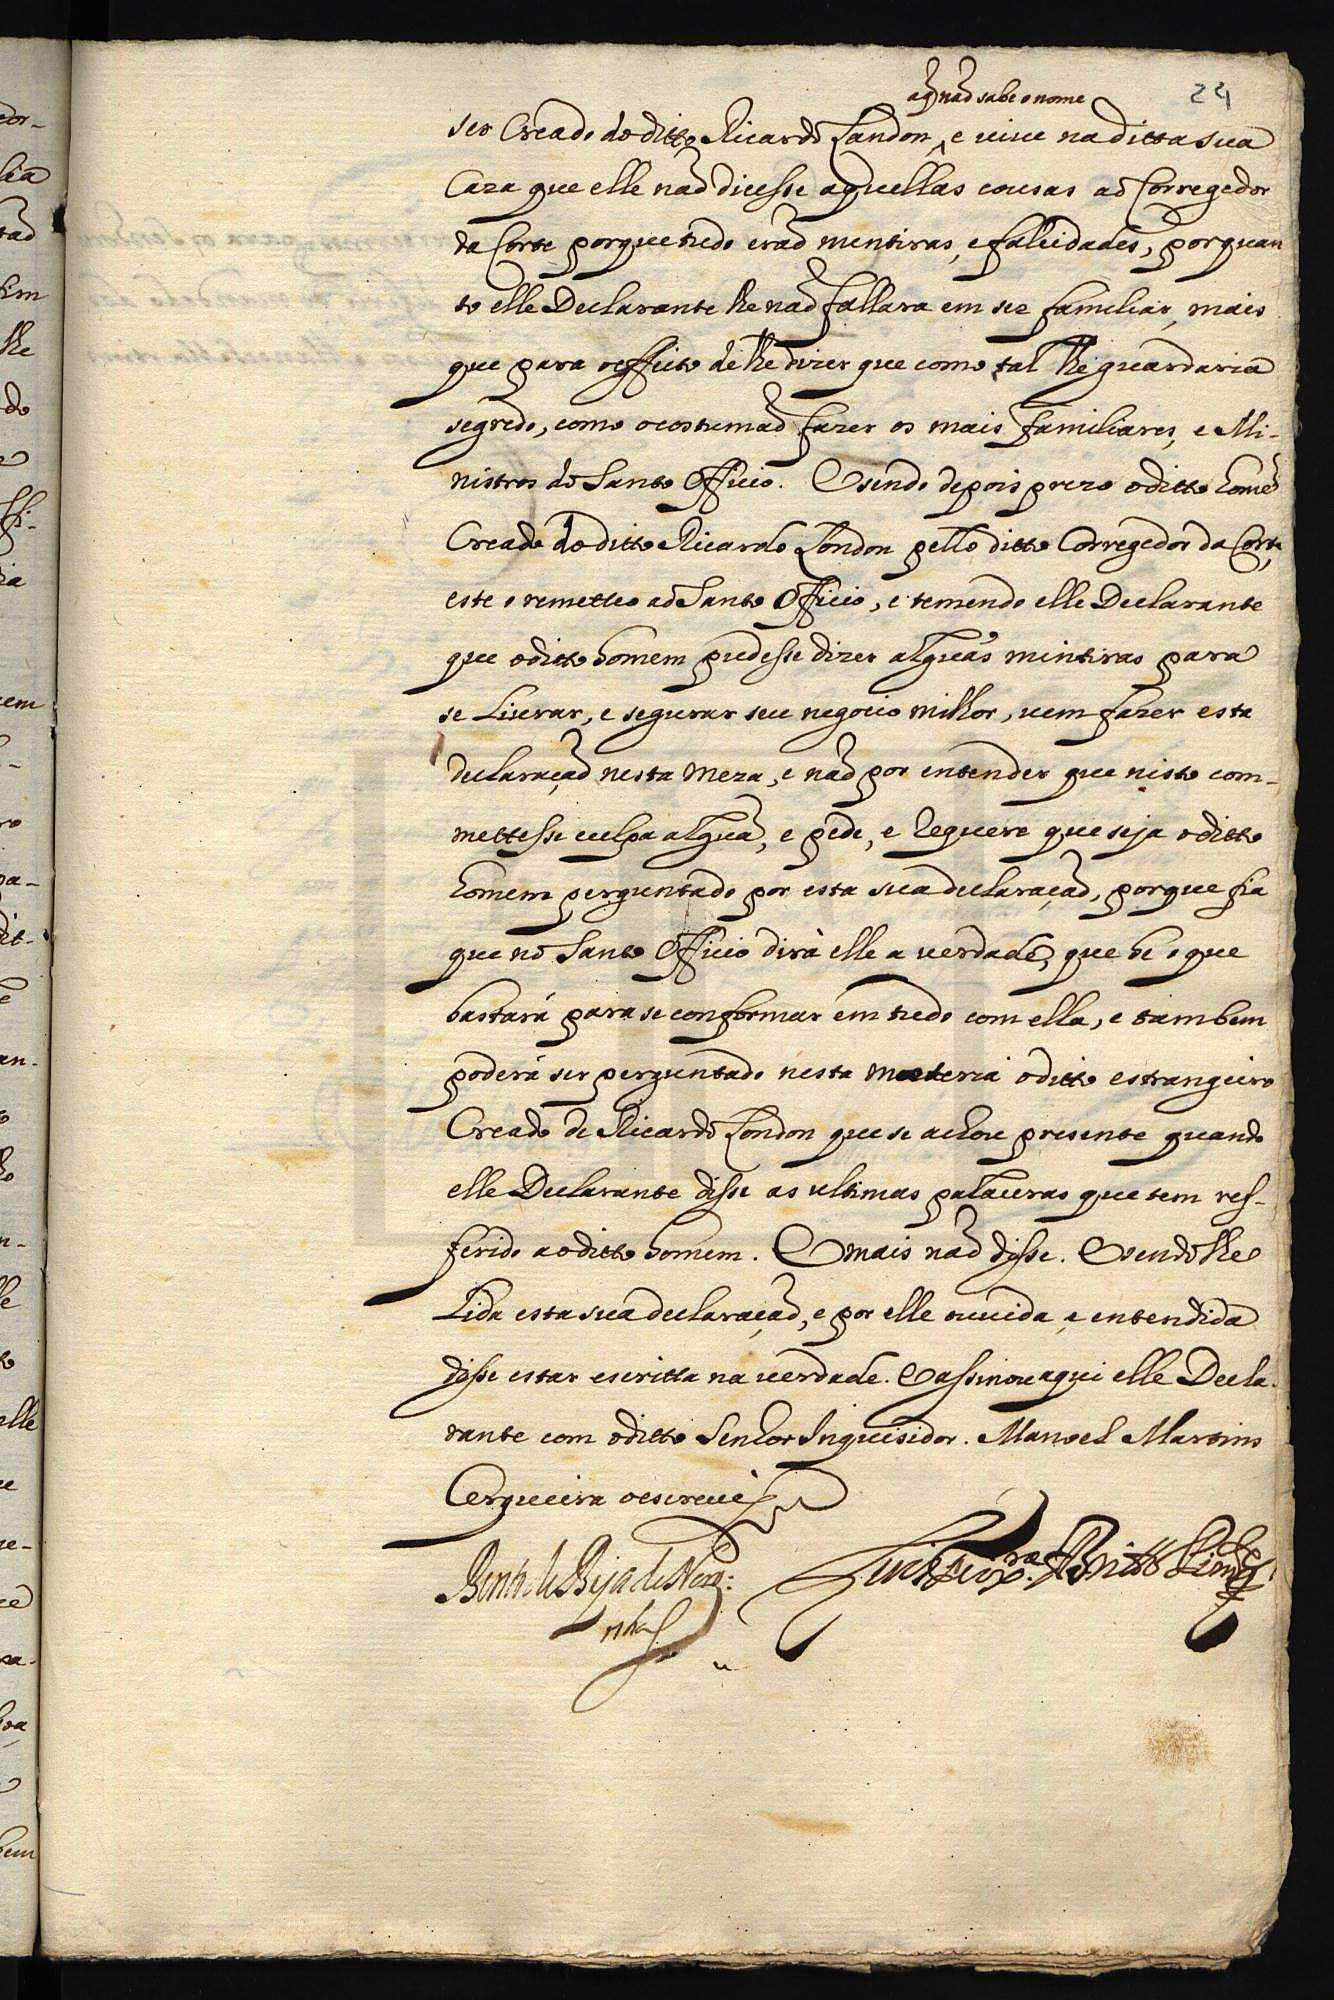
a q̄ naõ sabe o nome
seo Creado do ditto Ricardo Landon, e uiue na ditta sua
Caza que elle naõ dicesse aquellas cousas ao Corregedor
da Corte porque tudo eraõ mentiras, e falcidades, porquan
to elle Declarante lhe não fallara em ser familiar, mais
que para o effeito de lhe dizer que como tal lhe guardaria
segredo, como o costumaõ fazer os mais familiares, e Mi
nistros do Santo officio. E sendo depois prezo o ditto homē
Creado do ditto Ricardo London pello ditto Corregedor da Corte,
este o remetteo ao Santo Officio, e temendo elle Declarante
que o ditto homem pudesse dizer alguās mintiras para
se Liurar, e segurar seu negocio milhor, uem fazer esta
declaraçaõ nesta meza, e naõ por entender que nisto com
mettesse culpa alguā, e pede, e Requere que seja o ditto
homem perguntado por esta sua declaraçaõ, porque fia
que no Santo Officio dirà elle a uerdade, que he o que
bastará para se conformar em tudo com ella, e tambem
poderá ser perguntado nesta materia o ditto estrangeiro
Creado de Ricardo London que se achou presente quando
elle Declarante disse as ultimas palauras que tem ref
ferido ao ditto homem. E mais naõ disse. E sendolhe
Lida esta sua declaraçaõ, e por elle ouuida, e entendida
disse estar escritta na uerdade. E assinou que elle Decla
rante com o ditto Senhor Inquisidor. Manoel Martins
Cerqueira o escreui
Bento de Beja de Noro
nha
Luis Teix.ra Britto Pim.tel
